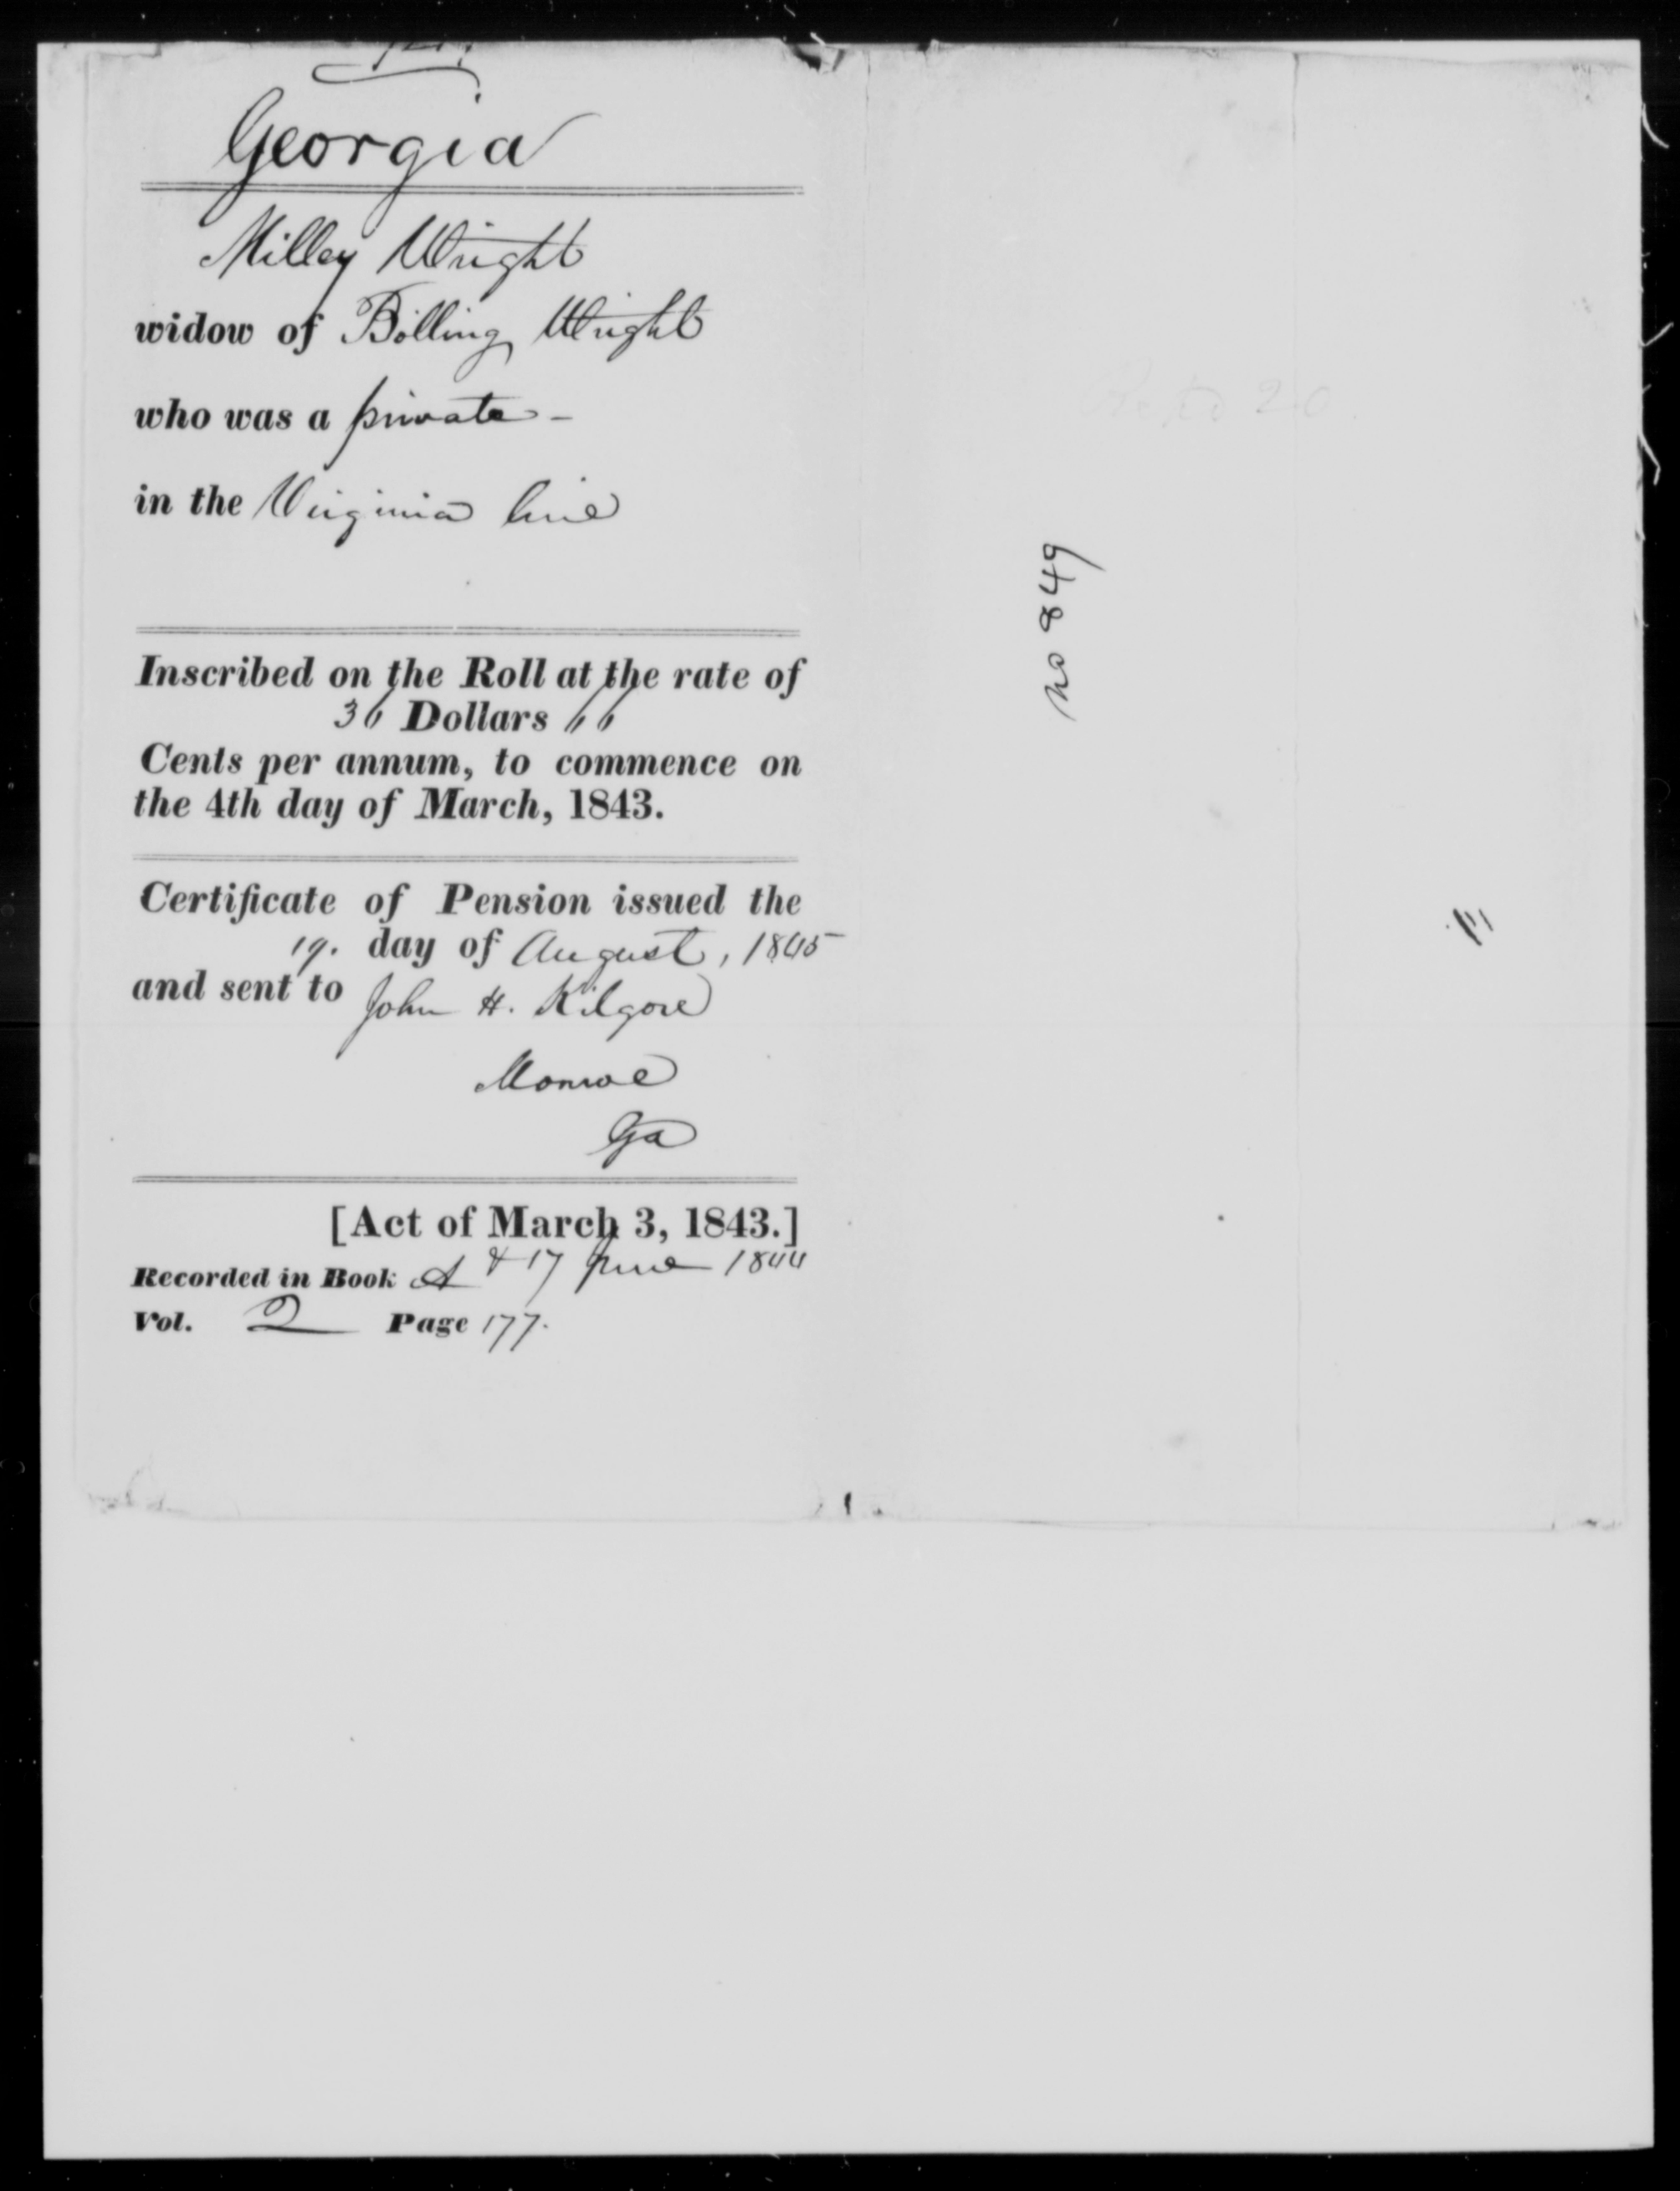Georgia
Milley Wright
widow of Bolling Wright
who was a private
in the Virginia line
                                 No 849
Inscribed on the Roll at the rate of 36 Dollars 66 Cents per annum, to commence on the 4th day of March, 1843.
Certificate of Pension issued the 19 day of August, 1845 and sent to 
John H. Kilgore
Monroe Ga
[Act of March 3, 1843.]
Recorded in Book A & 17 June 1844
Vol. 2 Page 177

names: Bolling Wright, Milley Wright, John H Kilgore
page: 81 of 81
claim: widow's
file: W. 5183, Bolling Wright, Va.